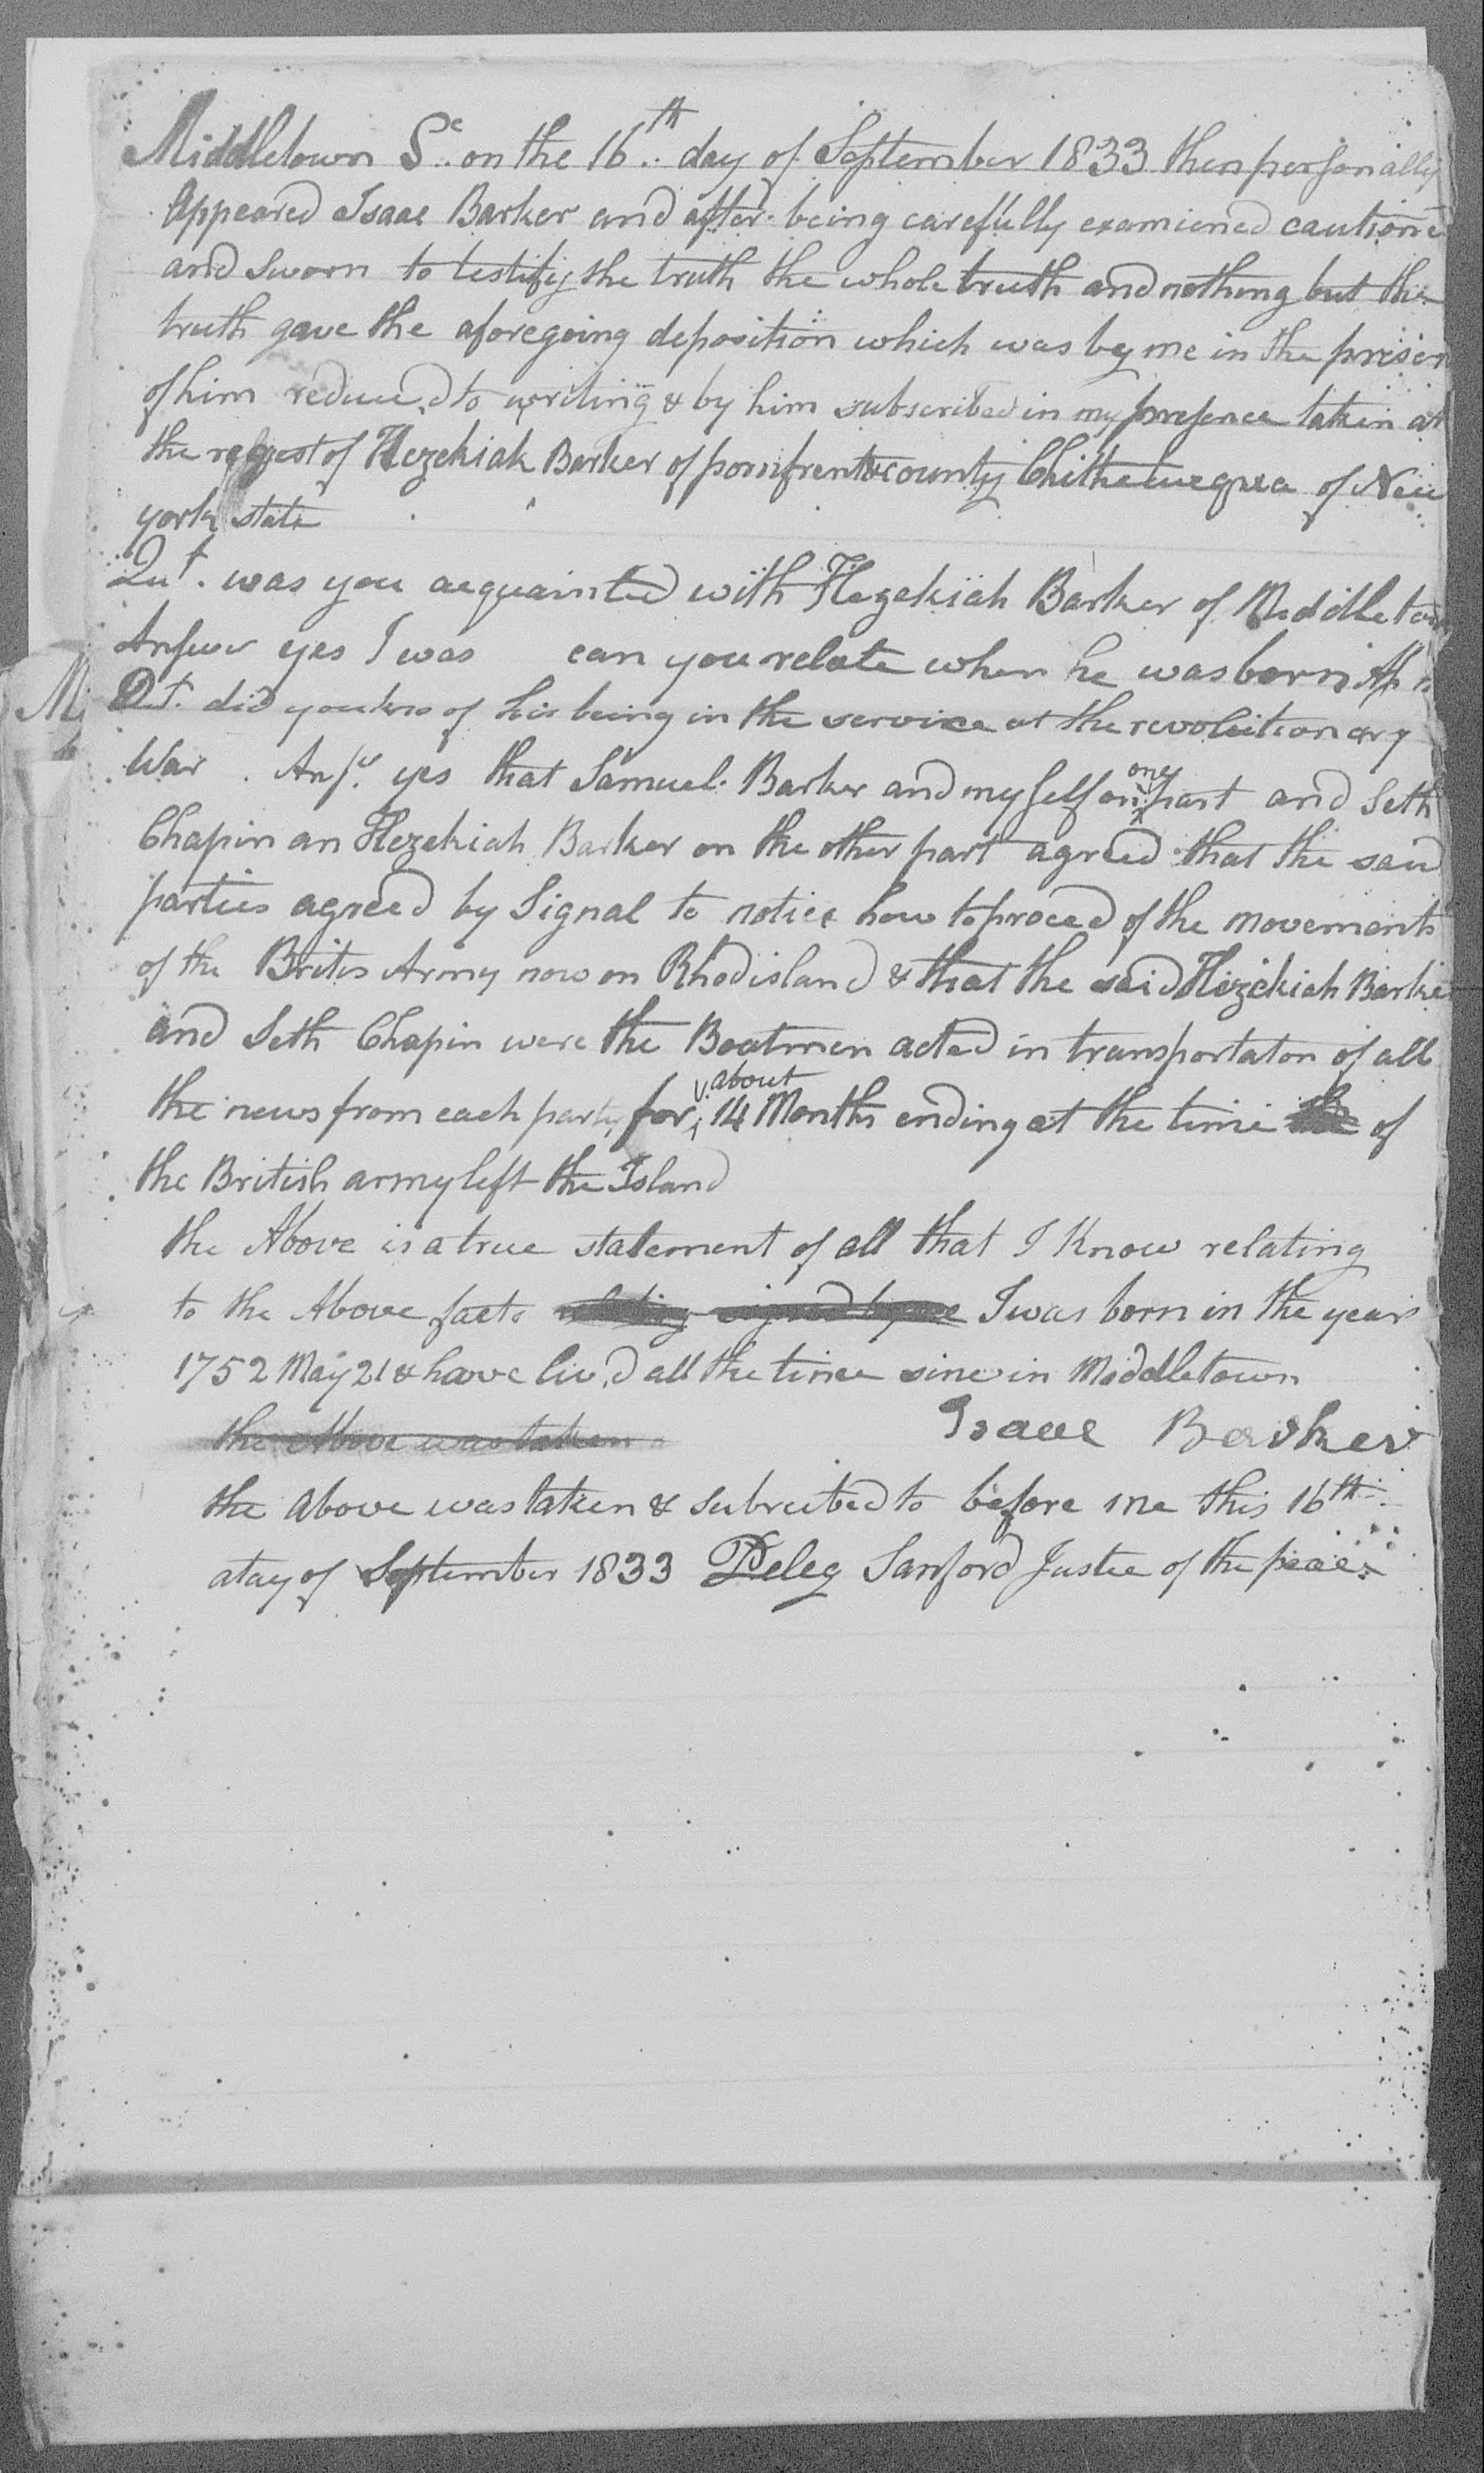Middletown Sc. on the 16th day of September 1833 then personally appeared Isaac Barker and after being carefully examined cautioned and sworn to testify the truth the whole truth and nothing but the truth gave the aforegoing deposition which was by me in the presence of him reduced to writing & by him subscribed in my presence taken at the request of Hezekiah Barker of Pomfret & county Chautauqua of New York State. Qut. was you acquainted with Hezekiah Barker of Middletown Answer. Yes I was. Can you relate when he was born? An. [illegible] Qut. did you know of his being in the service at the revolutionary war. Ansr. yes that Samuel Barker and myself on one part and Seth Chapin an Hezekiah Barker on the other part. agreed that the said parties agreed by Signal to notice how to proceed of the movements of the British Army now on Rhode Island & that the said Hezekiah Barker and Seth Chapin were the Boatmen acted in transportation of all the news from each part for about 14 months ending at the time of the British army left the island. the Above is a true statement of all that I know relating to the Above facts. I was born in the year 1752 May 21 & have lived all the time since in Middletown Israel Barker the above was taken & subscribed to before me this 16th day of September 1833 Peleg Sanford Justice of the peace.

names: Hezekiah Barke, Isaac Barker, Seth Chapin, Hezekiah Barker, Seth Chapin, Peleg Sanford, Isaac Barker, Hezekiah Barker, Hezekiah Barker, Samuel Barker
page: 32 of 52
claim: widow's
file: W. 18,565, Hezekiah Barker, Continental R.I.